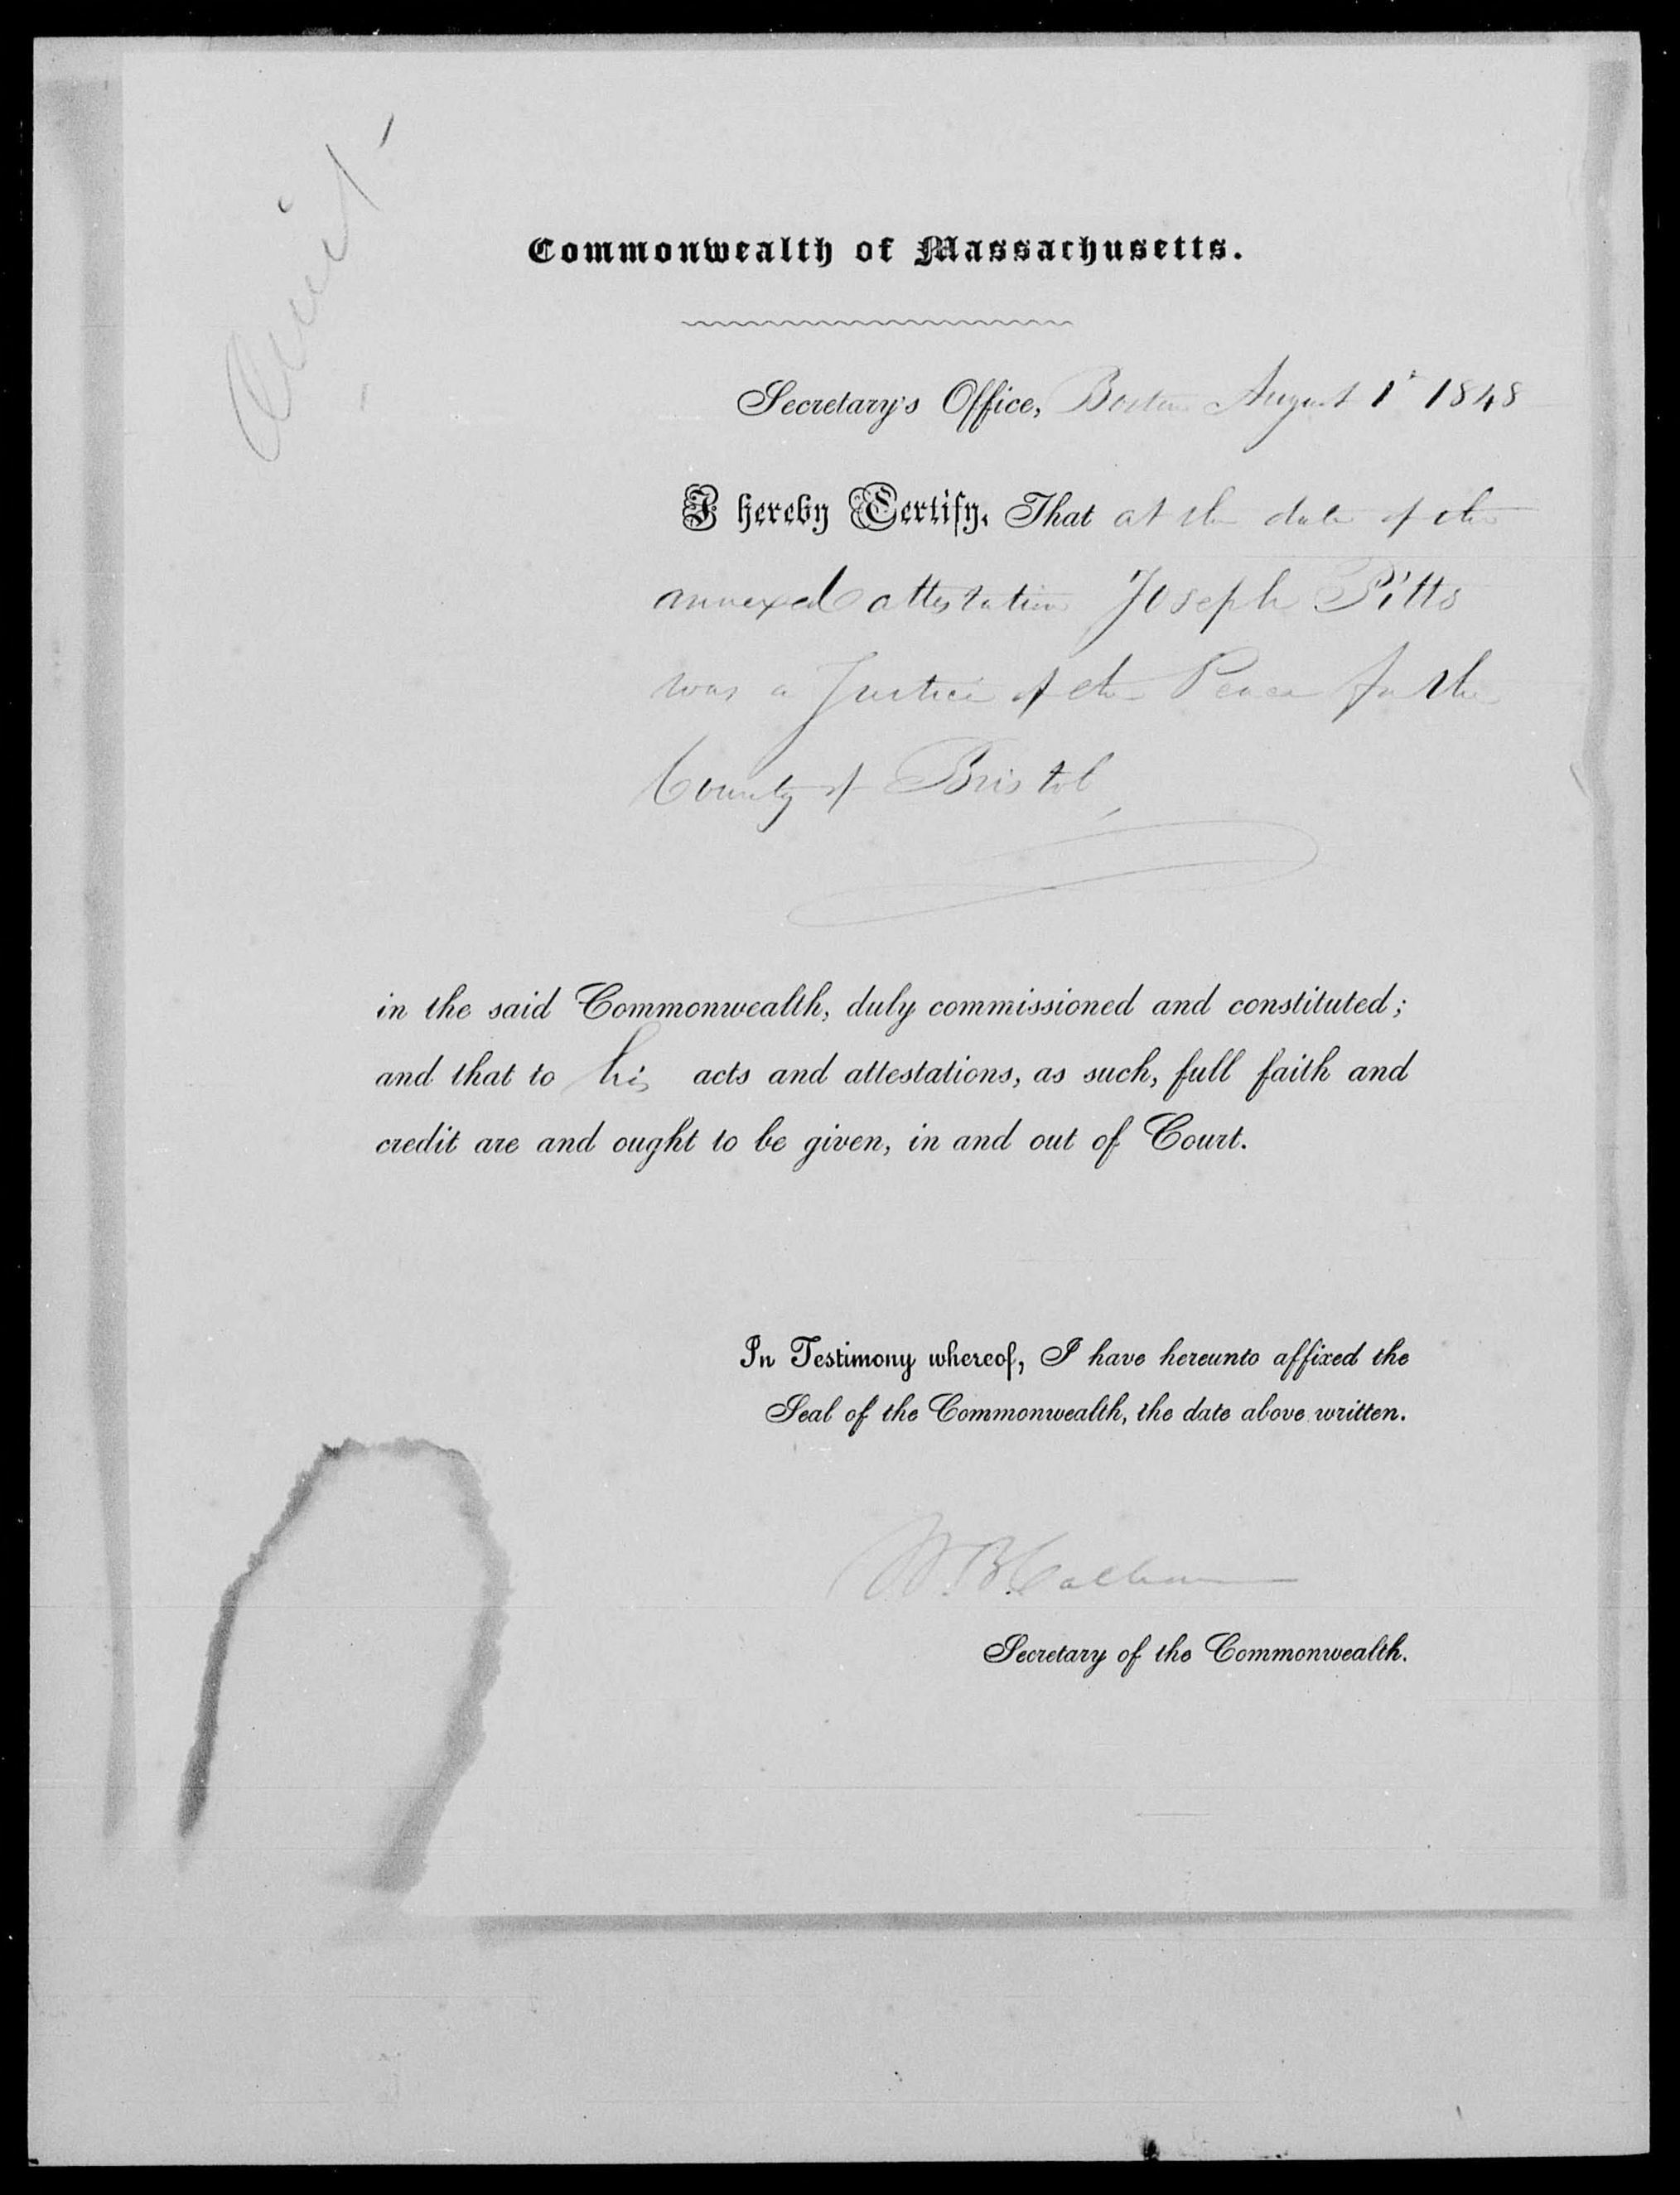Commonwealth of Massachusetts.
Secretary's Office, Boston August 1st 1848
I hereby Certify, That at the date of this
annexed attestation Joseph Pitts
was a Justice of the Peace for the
County of Bristol
in the said Commonwealth, duly commissioned and constituted;
and that to his acts and attestations, as such, full faith and
credit are and ought to be given, in and out of Court.
In Testimony whereof, I have hereunto affixed the
Seal of the Commonwealth, the date above written
W.B. Calhoun
Secretary of the Commonwealth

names: Joseph Pitts; W B Calhoun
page: 27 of 54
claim: widow's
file: W. 26,897, for George Pitts, Massachusetts